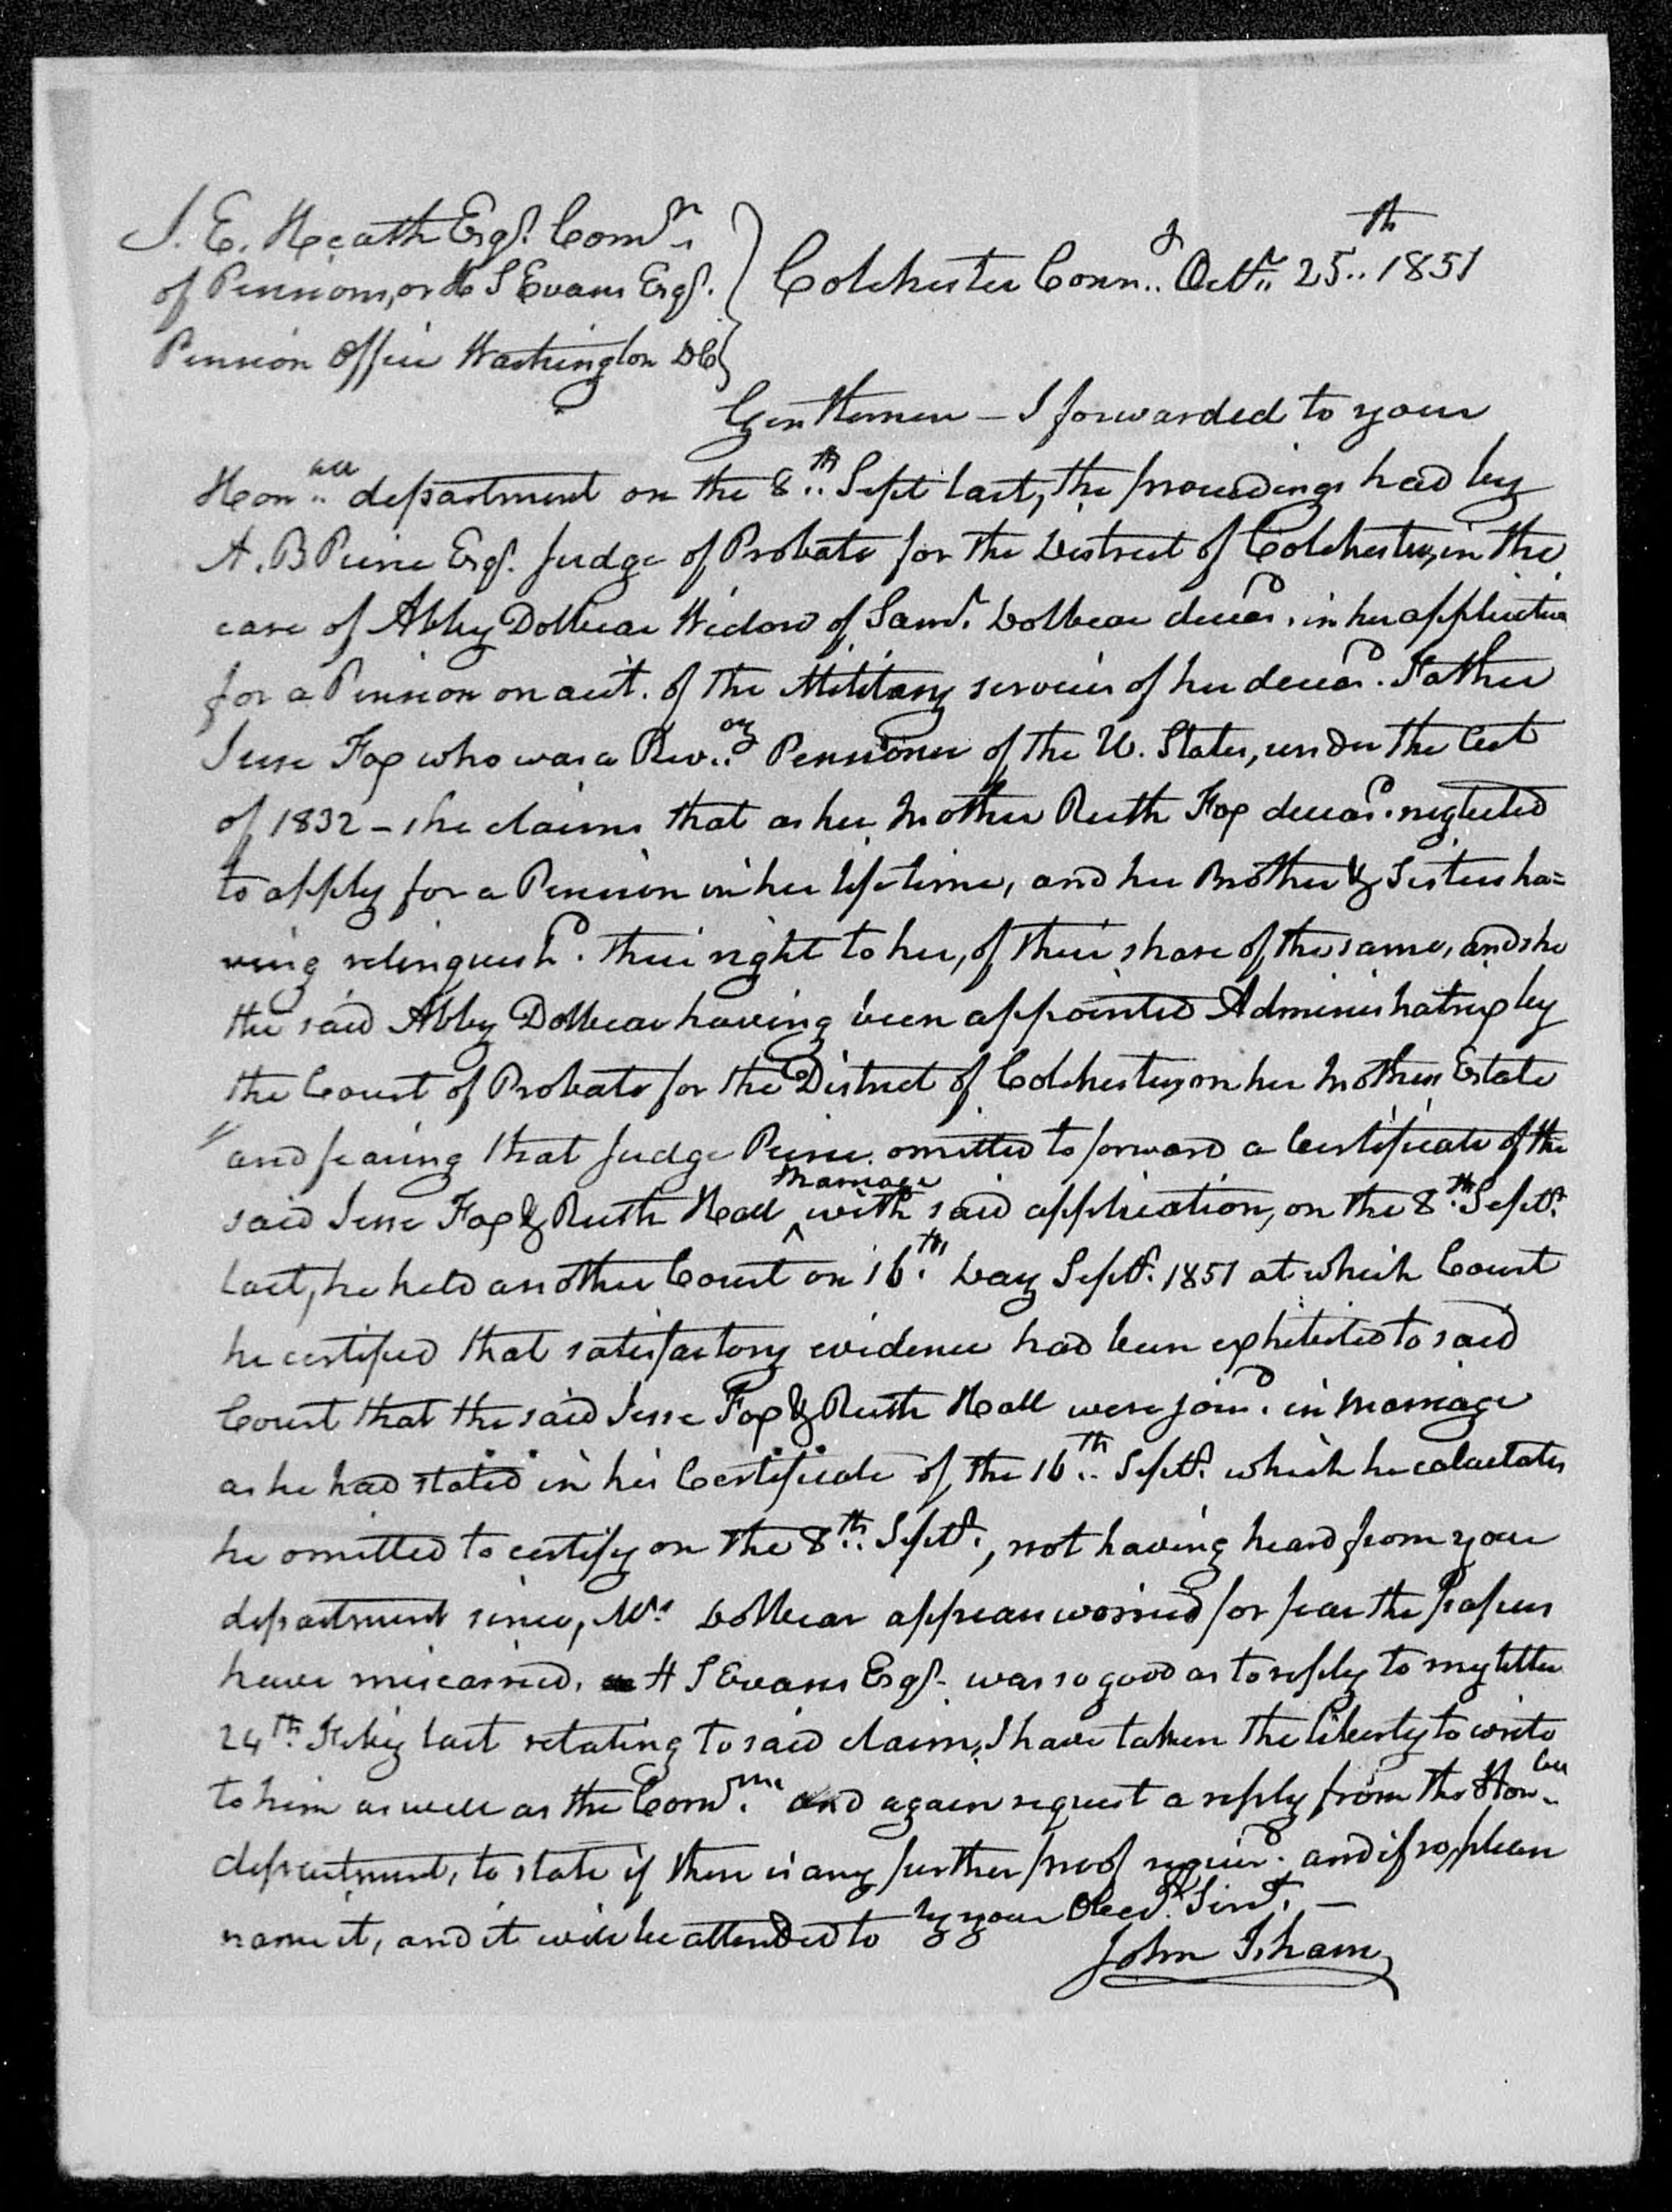J. E. Heath Esq. Commr of Pension, or H. L. Evans Esq, Pension office Washington DC} Colchester Connt Oct. 25th 1851

Gentlemen- I forwarded to your Hon, department on the 8th Sept. last, the proceedings had by A. B. Pierce Esq Judge of Probate for the District of Colchester, in the care of Abby Dolbear widow if Saml Dolbear decesd, in her application for a pension on acct, of the military service of her deceasd Father Jesse Fox, who was  Rev. pensioner of the U. States , under the act of 1832- the claims that as her mother Ruth Fox deceasd neglected to apply for a pension in her lifetime, and her borhter & sisters having relinquished their right to her, of their share of the same, and the the said Abby Dolbear having been appointed Administrator by the Court of Probate for the District of Colchester on her mothers estate and fearing that Judge Pierce omitted to forward a certificate of the said Jesse Fox & Ruth Hall marriage with said application, on the 8th Sept. last , he held another Court on 16th day of Sept. 1857 at which Court he certified that satisfactory evidence had been exhibited to said Court that the said Jesse Fox & Ruth Hall were joind in marriage as he had stated in his certificate of the 16th Sept which he calculates he omitted to certify on the 8th Sept., not having heard from your department since, Mrs. Dolbear appears worried for fear the papers have miscarried, H L Evans Esq qas so good as to reply to my letter 24th July last relating to said claim, I have taken the liberty to [unk] to him as well as the Commr and again request a reply from the Hon department, to state if there is any further proof requird and if so please name it, and it will be attended to by your obedt servt.

John Isham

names: John Isham, Ruth Hall, Saml Dolbear, A B Pierce, H S Evans, Abby Dolbear, Jesse Fox, Jesse Fox, Ruth Hall, H S Evans, Jesse Fox, J E Heath, Ruth Fox, Dolbear, Abby Dolbear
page: 36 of 53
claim: rejected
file: R. 3732, Jesse Fox, Conn.